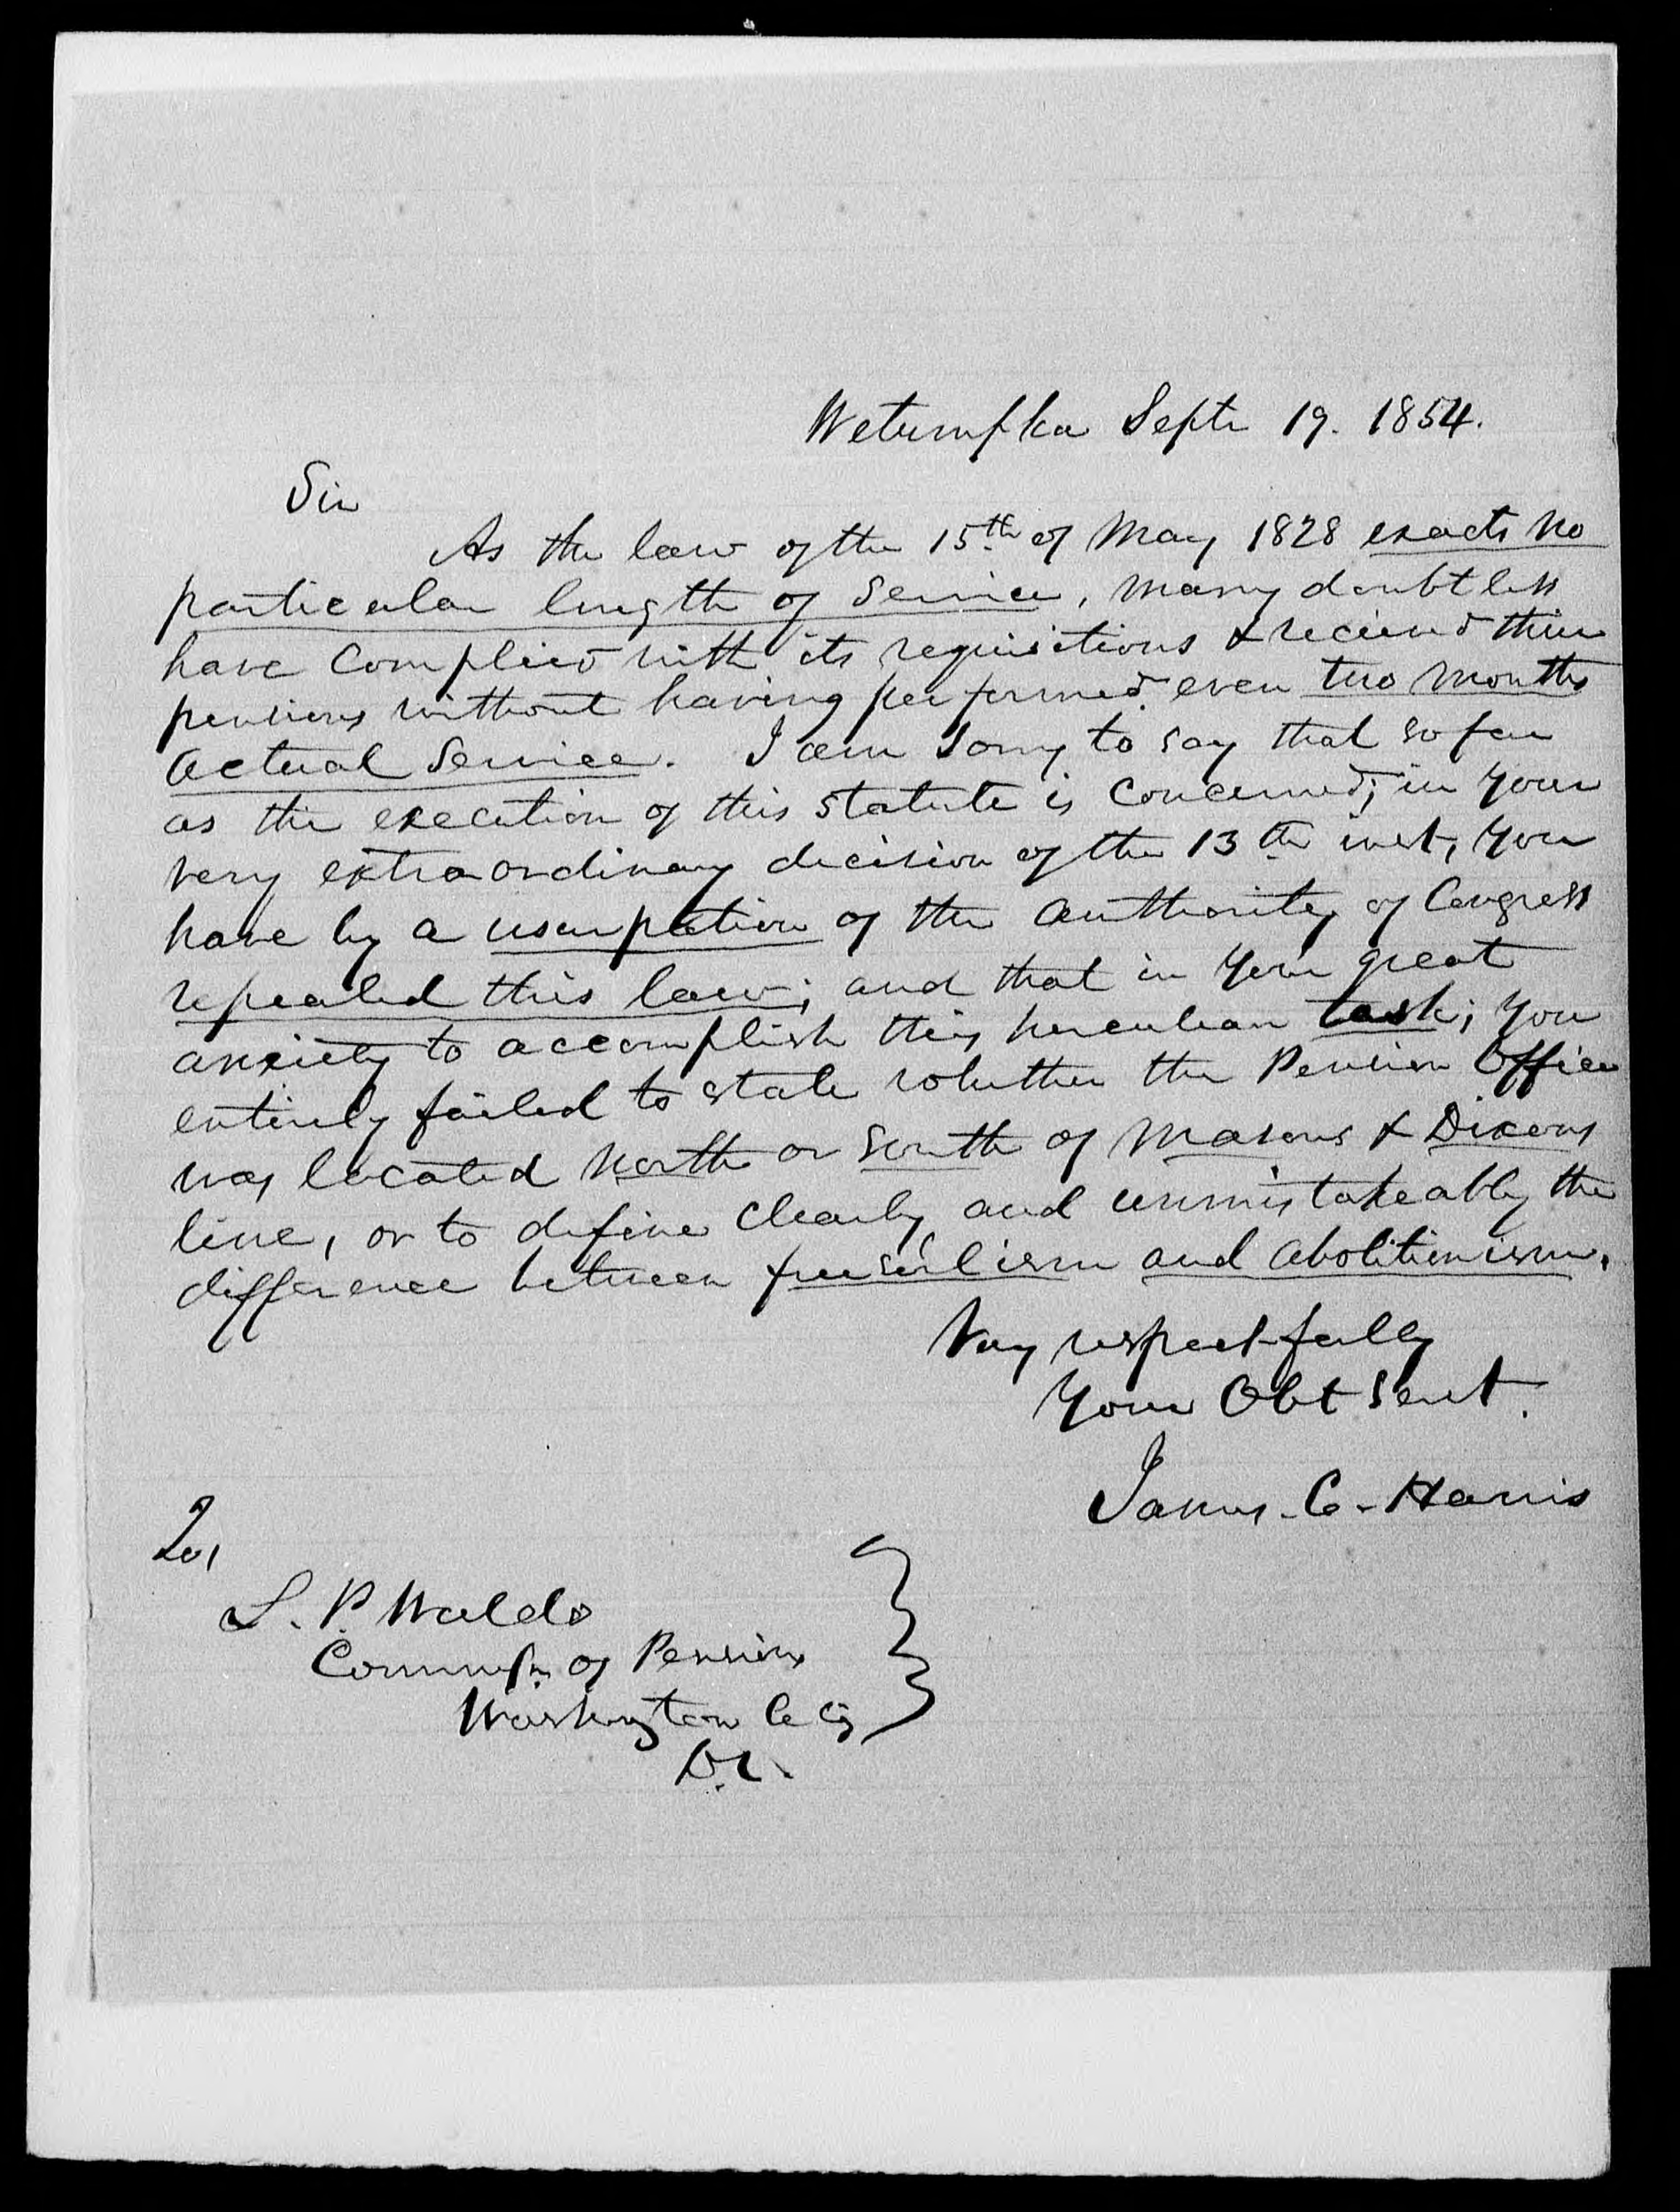Wetumpka Septr 19. 1854
Sir
   As the law of the 15th of May 1828 exacts no particular length of service, many doubtless have complied with its requisitions & received their pensions without having performed even two months actual service.  I am sorry to say that so far as the execution of this statute is concerned, in your very extraordinary decision of the 13th inst, you have by a usurpation of the authority of Congress repealed this law; and that in your great anxiety to accomplish this herculean task, you entirely failed to state whether the Pension Office was located North or South of Masons & Dixons line, or to define clearly and unmistakeably the difference between free-soilism and abolitionism.
          Very respectfully
             Your Obt Servt
                James C. Harris

To:
   L. P. Waldo}
   Commisn. of Pensions}
   Washington City}
   D.C.}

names: L P Waldo, James C Harris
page: 23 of 160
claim: rejected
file: R. 4666, James Harris, Va.